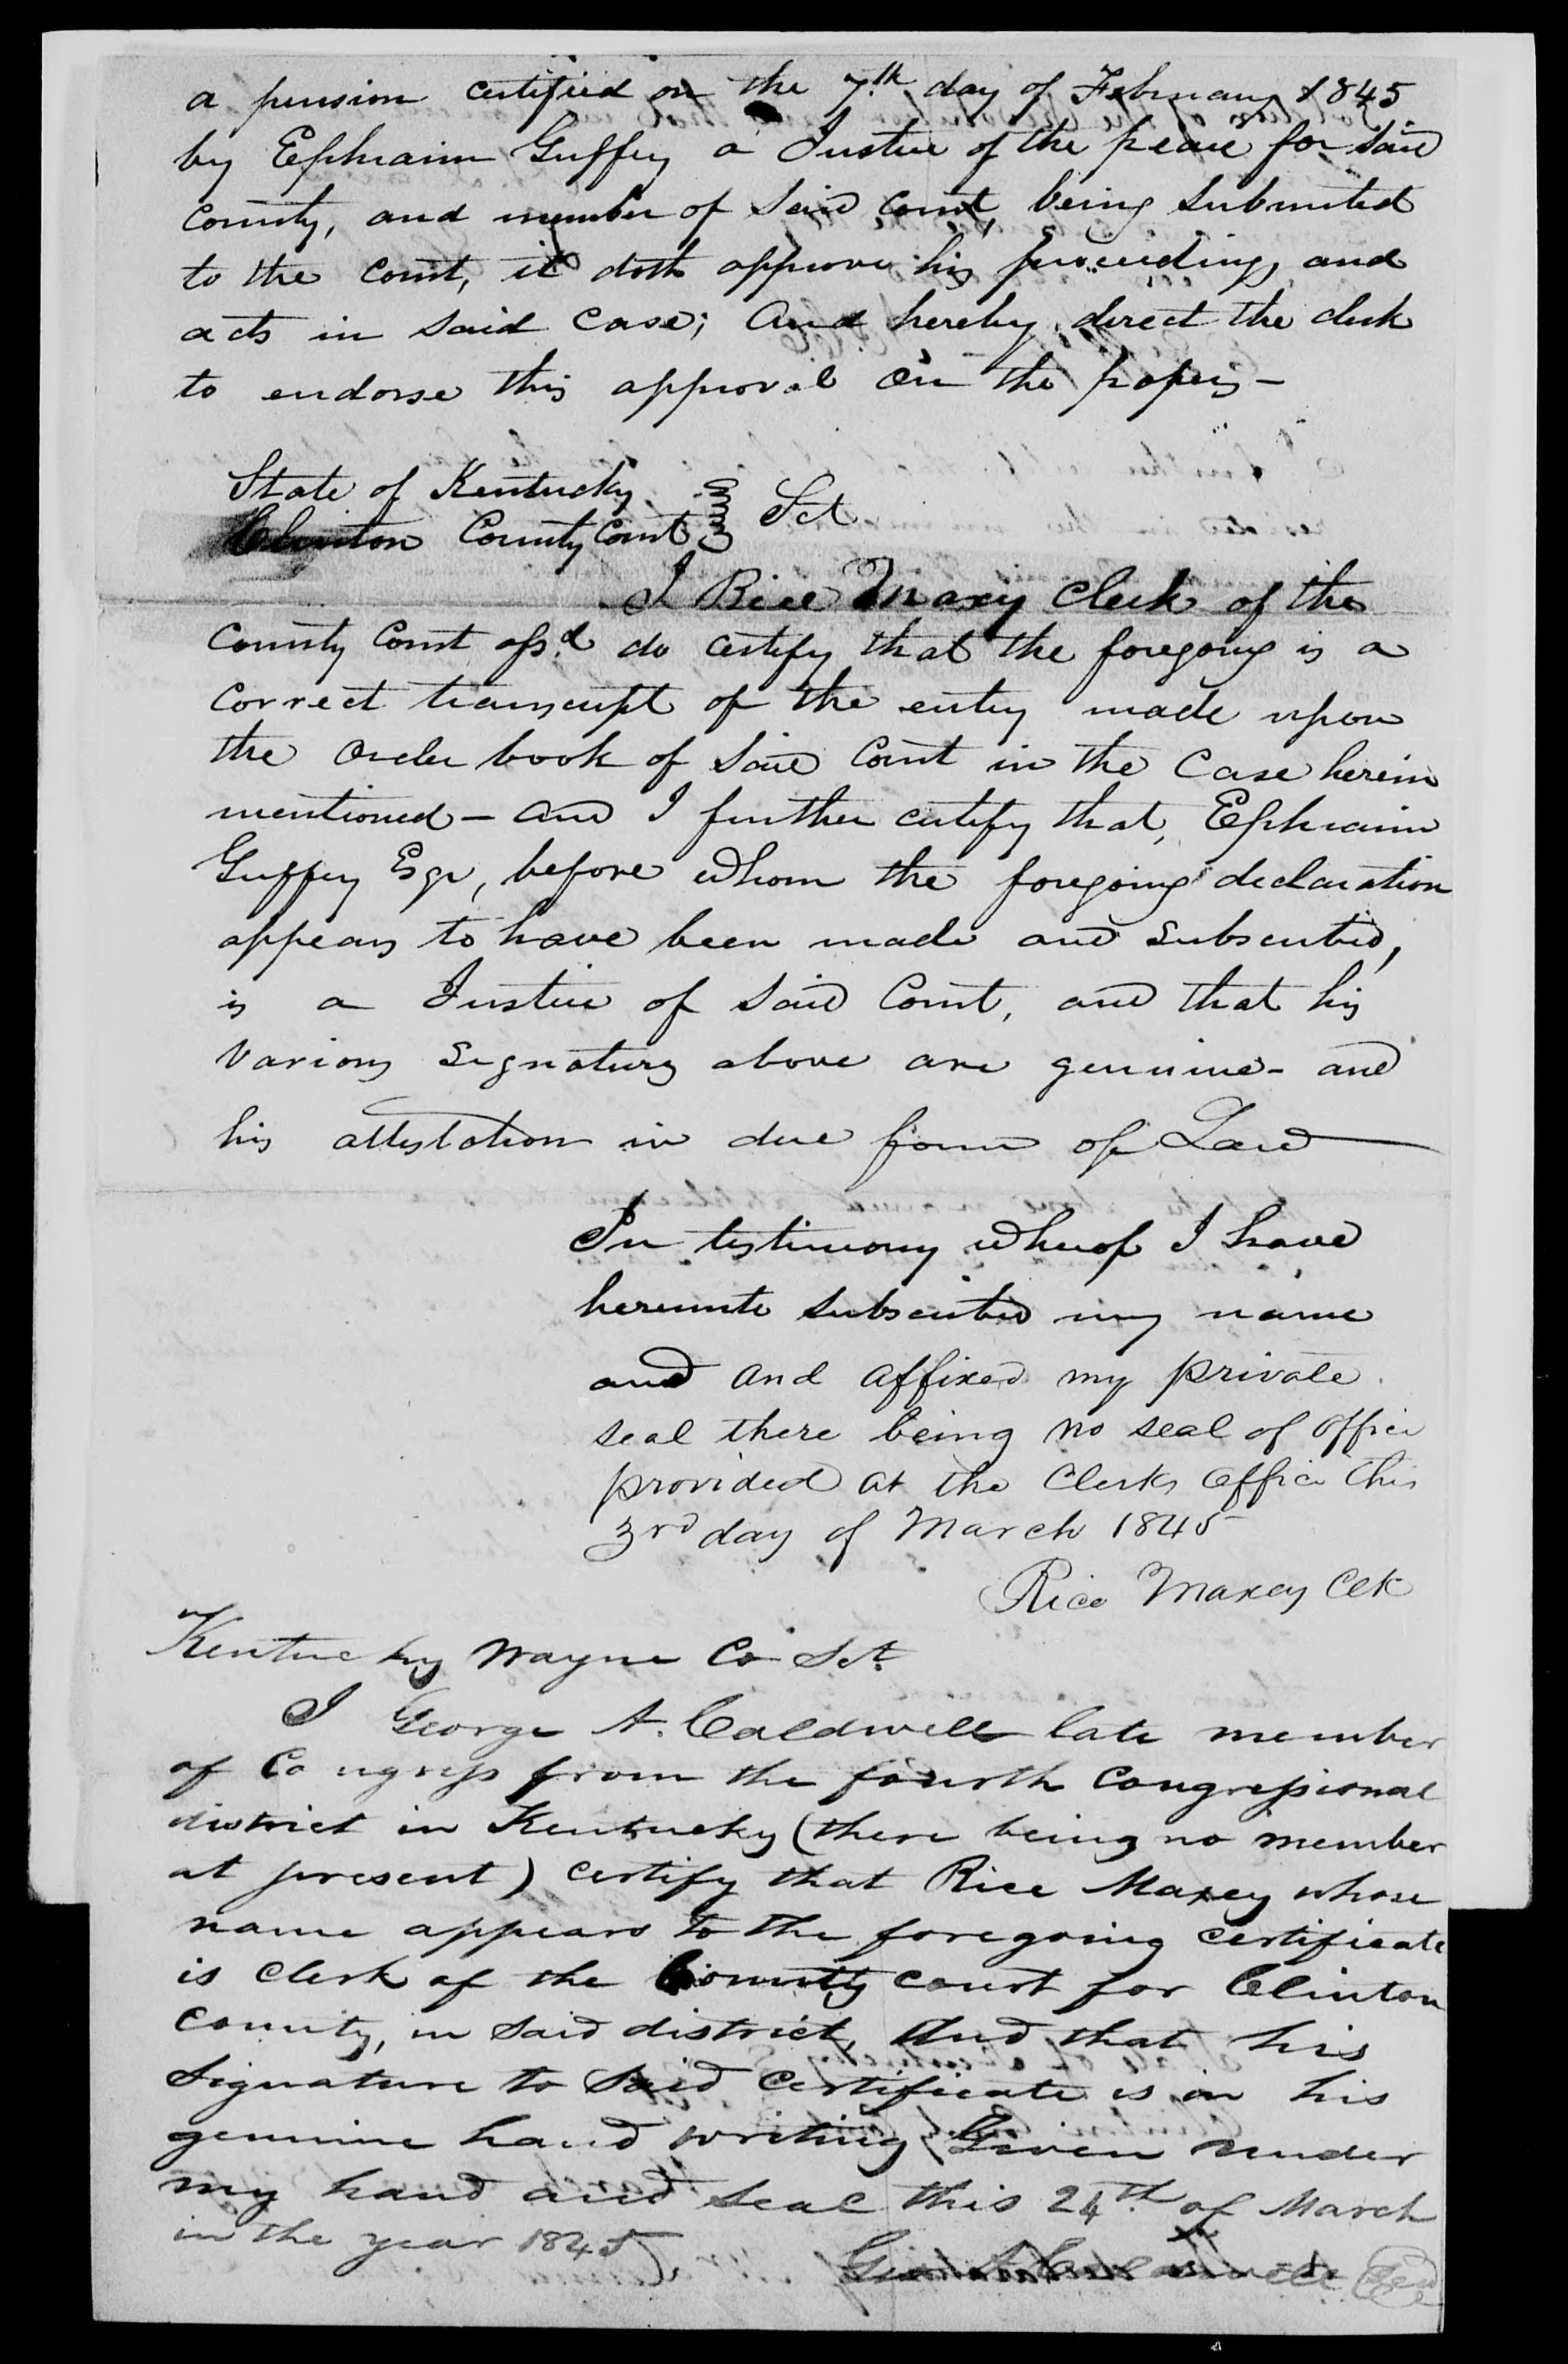a pension certified on the 7th day of February 1845 by Ephraim Guffey a Justice of the peace for said County, and member of said Court being submited to the court, it doth approve his proceedings and acts in said case; and hereby direct the Clerk to endorse this approval on the papers-

State of Kentucky}
County Court} Sct

I Ric Maxey Clerk of the County Court afsd do certify that the foregoing is a correct transcript of the entry made upon the order book of said Court in the case herein mentioned. And I further certify that Ephraim Guffey Esqr before whom the foregoing declaration appears to have been made and subscribed is a Justice of said Court, and that his various Signatures above are genuine and his attestation in due form of Law
In testimony whereof I have
hereunto subscribed my name
and and affixed my private
seal there being no seal of office
provided at the Clerks Office this
3rd day of March 1845
Rice Maxey Clk


Kentucky Wayne Co Sct
I George A. Caldwell late member of Congress from the fourth Congressional district in Kentucky (there being no member at present) certify that Rice Maxey whose name appears to the foregoing certificate is clerk of the County Court for Clinton County, in said district And that his Signature to said certificate is in his genuine hand writing Given under my hand and seal this 24th of March in the year 1845
George A Caldwell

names: George A Caldwell, Ephraim Guffey, Rice Maxey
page: 22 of 144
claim: rejected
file: R. 5208, Dennis Hopkins, N.C.